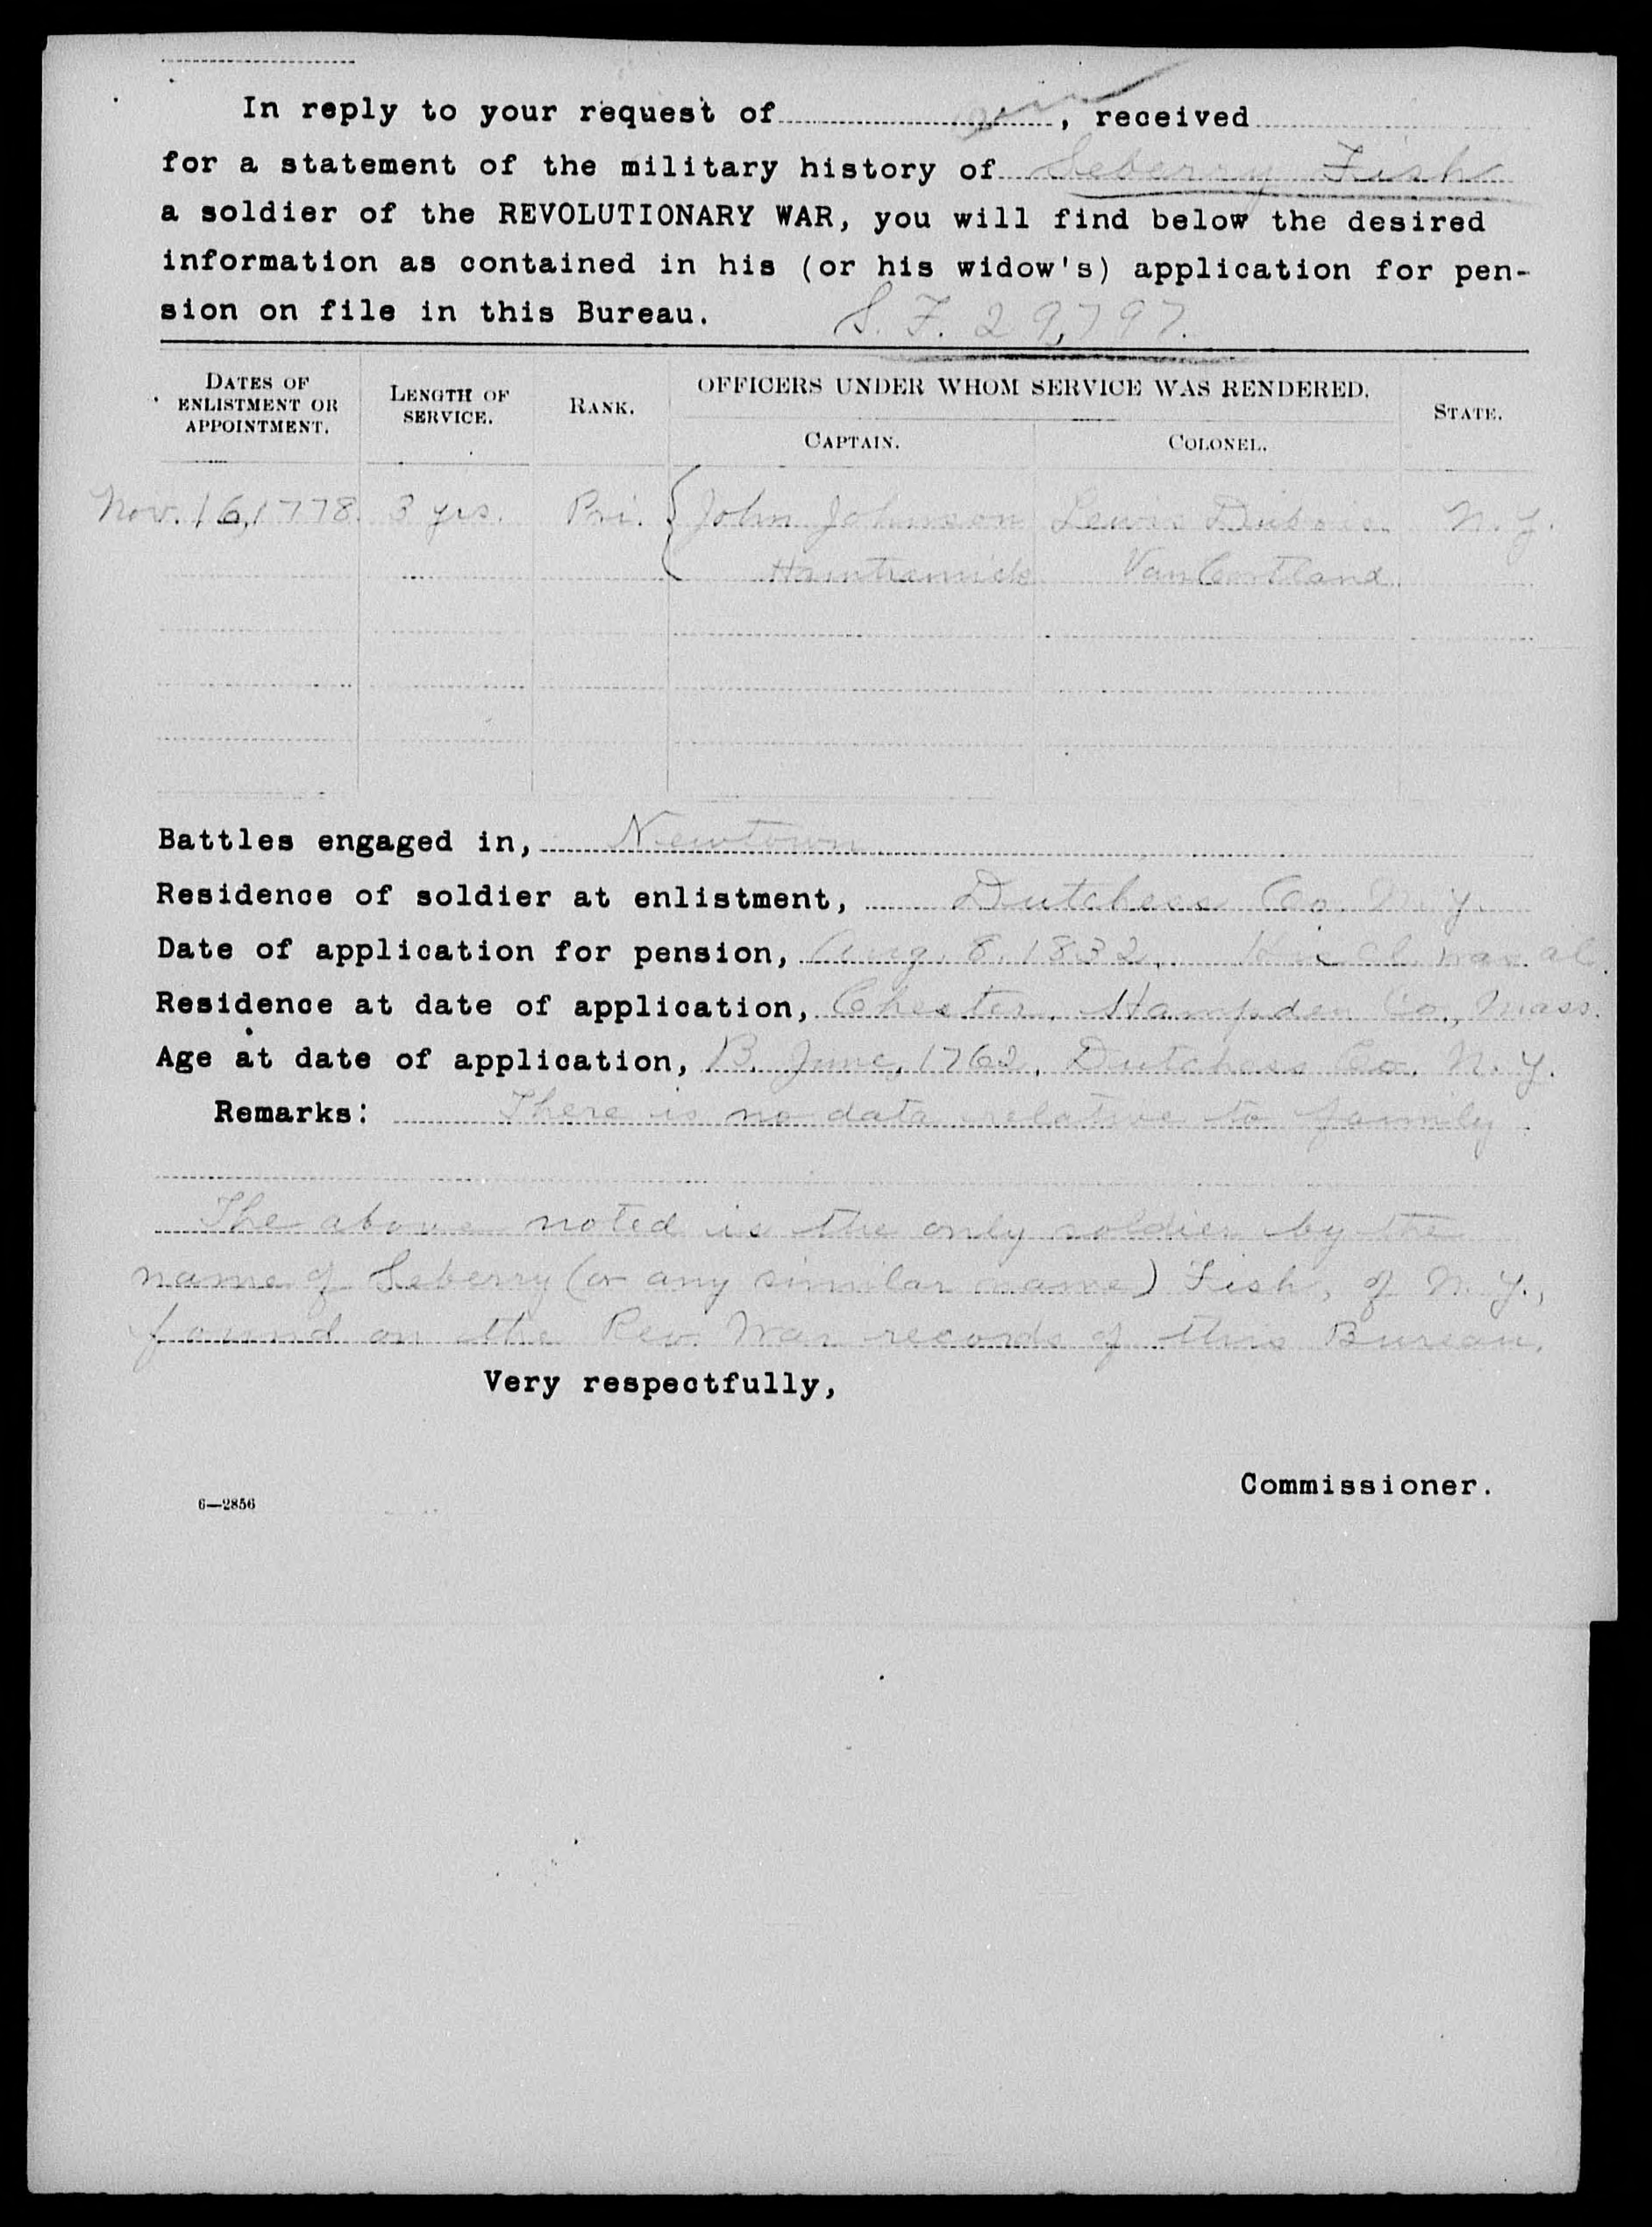[Printed form with chart and handwritten entries]

..............
In reply to your request of ......... [illegible squiggle], received ............ for a statement of the military history of [here the following name is underlined] [handwritten name] Seberry Fish a soldier of the REVOLUTIONARY WAR, you will find below the desired information as contained in his (or his widow's) application for pension on file in this Bureau. [handwritten]  S. F. 29,797.
______________________________________________________________________________________________________________________

[Chart with the following category headings:]  
DATES OF ENLISTMENT OR APPOINTMENT  l  LENGTH OF SERVICE. l  RANK.  l  OFFICERS UNDER WHOM SERVICE WAS RENDERED. l   CAPTAIN.  l  COLONEL.  l  STATE.

Nov. 16, 1778.
3 yrs.
Pri. [Private]
[Captain] (John Johnson
[Colonel] Lewis Dubois
N.Y.

[Captain]  Hamtramick 
[Colonel] Van Cortland

[4 blank lines]

Battles engaged in, Newtown

Residence of soldier at enlistment, Dutchess Co, N.Y.

Date of application for pension, Aug. 8, 1832.  His cl was al. [His claim was allowed.]

Residence at date of application, Chester, Hampden Co., Mass. {Massachusetts]

Age at date of application, B. [Born] June, 1762, Dutchess Co. N.Y.

Remarks:  There is no data relative to family.
[Blank line]

The above noted is the only soldier by the name of Seberry (or any similar name) Fish, of N.Y., found on the Rev. War records of this Bureau.
Very respectfully,

6-2856  
[Blank]  Commissioner.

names: John Johnson, Hamtramick, Van Cortland, Lewis Dubois, Seberry Fish, Seberry Fish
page: 8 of 26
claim: survivor's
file: S. 29797, Seberry Fish, New York